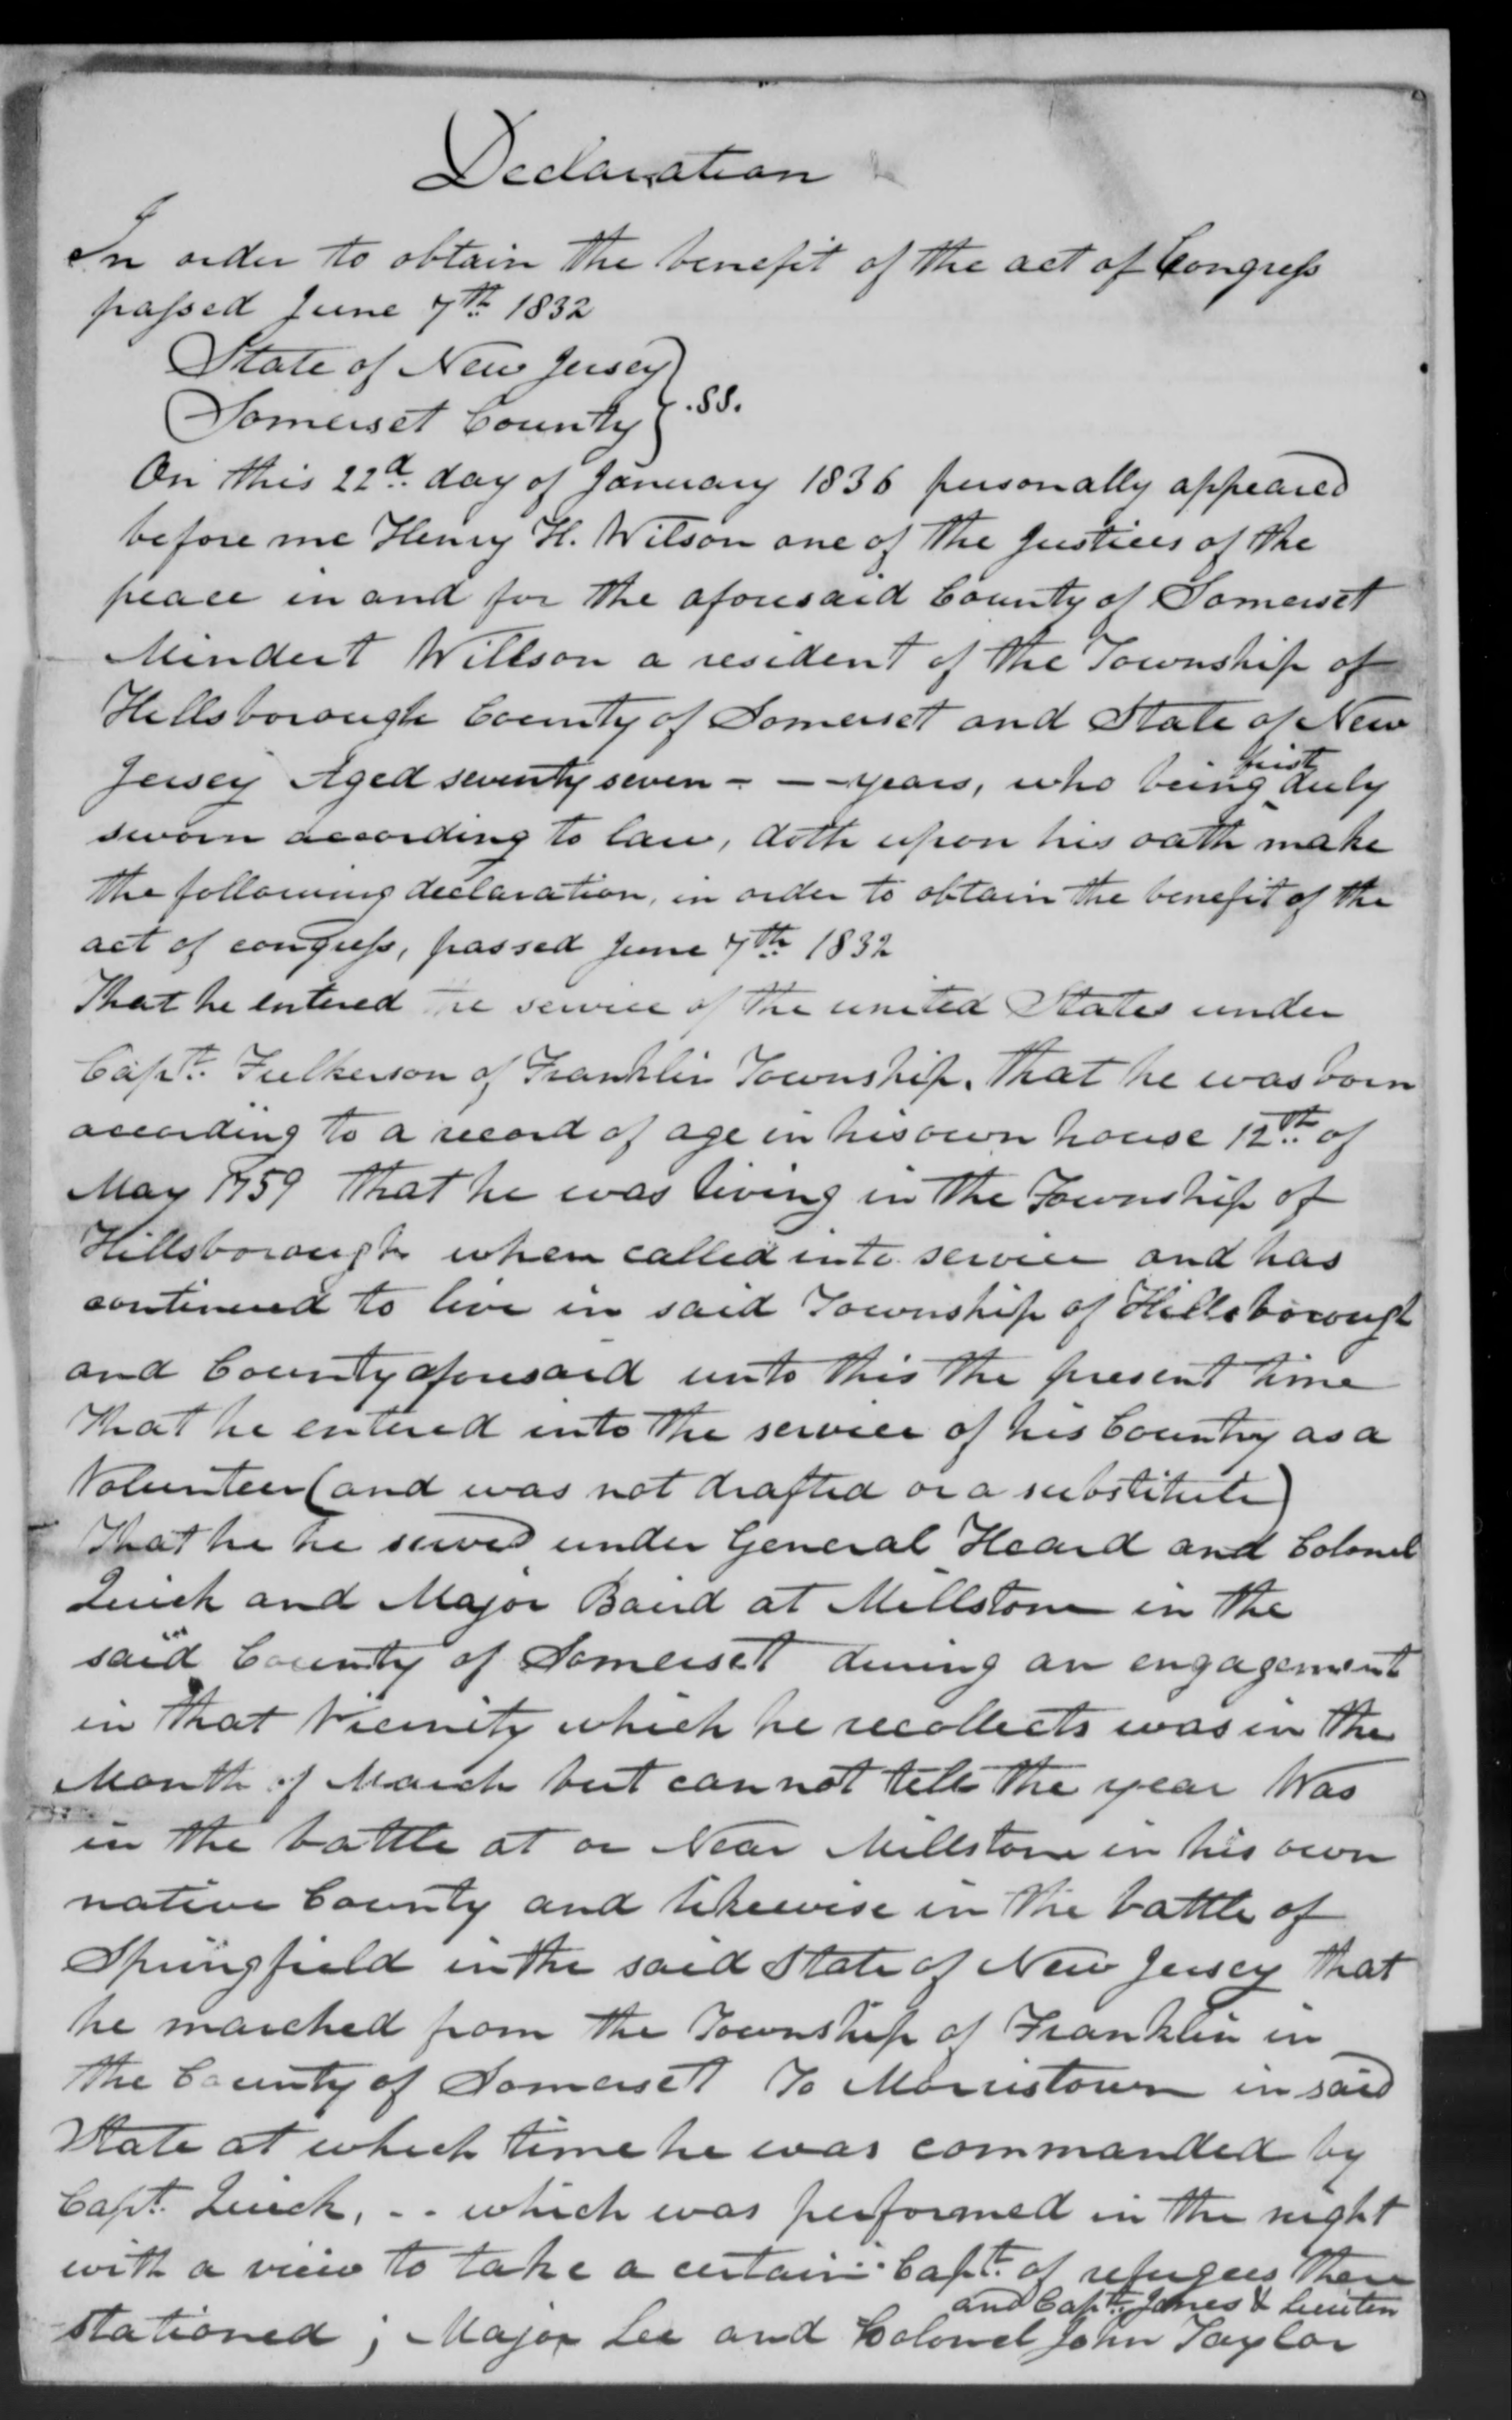Declaration
In order to obtain the benefit of the act of Congress passed June 7th 1832

State of New Jersey
Somerset County } ss.

On this 22d day of January 1836 personally appeared before me Henry H. Wilson one of the Justices of the peace in and for the aforesaid County of Somerset Mindert Willson a resident of the Township of Hillsborough County of Somerset and State of New Jersey Aged seventy seven years, who being duly sworn according to law, doth upon his oath make the following declaration, in order to obtain the benefit of the act of congress, passed June 7th 1832

That he entered the service of the United States under Capt Fulkerson of Franklin Township, that he was born according to a record of age in his own house 12th of May 1759 that he was living in the Township of Hillsborough when called into service and has continued to live in said Township of Hillsborough and County aforesaid unto this the present time

That he entered into the service of his Country as a Volunteer (and was not drafted or a substitute) 

That he he served under General Heard and Colonel Quick and Major Baird at Millstone in the said County of Somerset during an engagement in that vicinity which he recollects was in the Month of March but cannot tell the year Was in the battle at or near Millstone in his own native county and likewise in the battle of Springfield in the said State of New Jersey that he marched from the Township of Franklin in the County of Somerset To Morristown in said State at which time he was commanded by Capt Quick, -- which was performed in the night with a view to take a certain Capt of refugees there stationed; Major Lee and Colonel John Taylor and Capt Jones & Lieuten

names: Heard, Fulkerson, Quick, Mindert Willson, Jones, Lee, Baird, John Taylor, Henry H Wilson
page: 9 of 40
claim: survivor's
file: S. 3564, Mindart Wilson, New Jersey